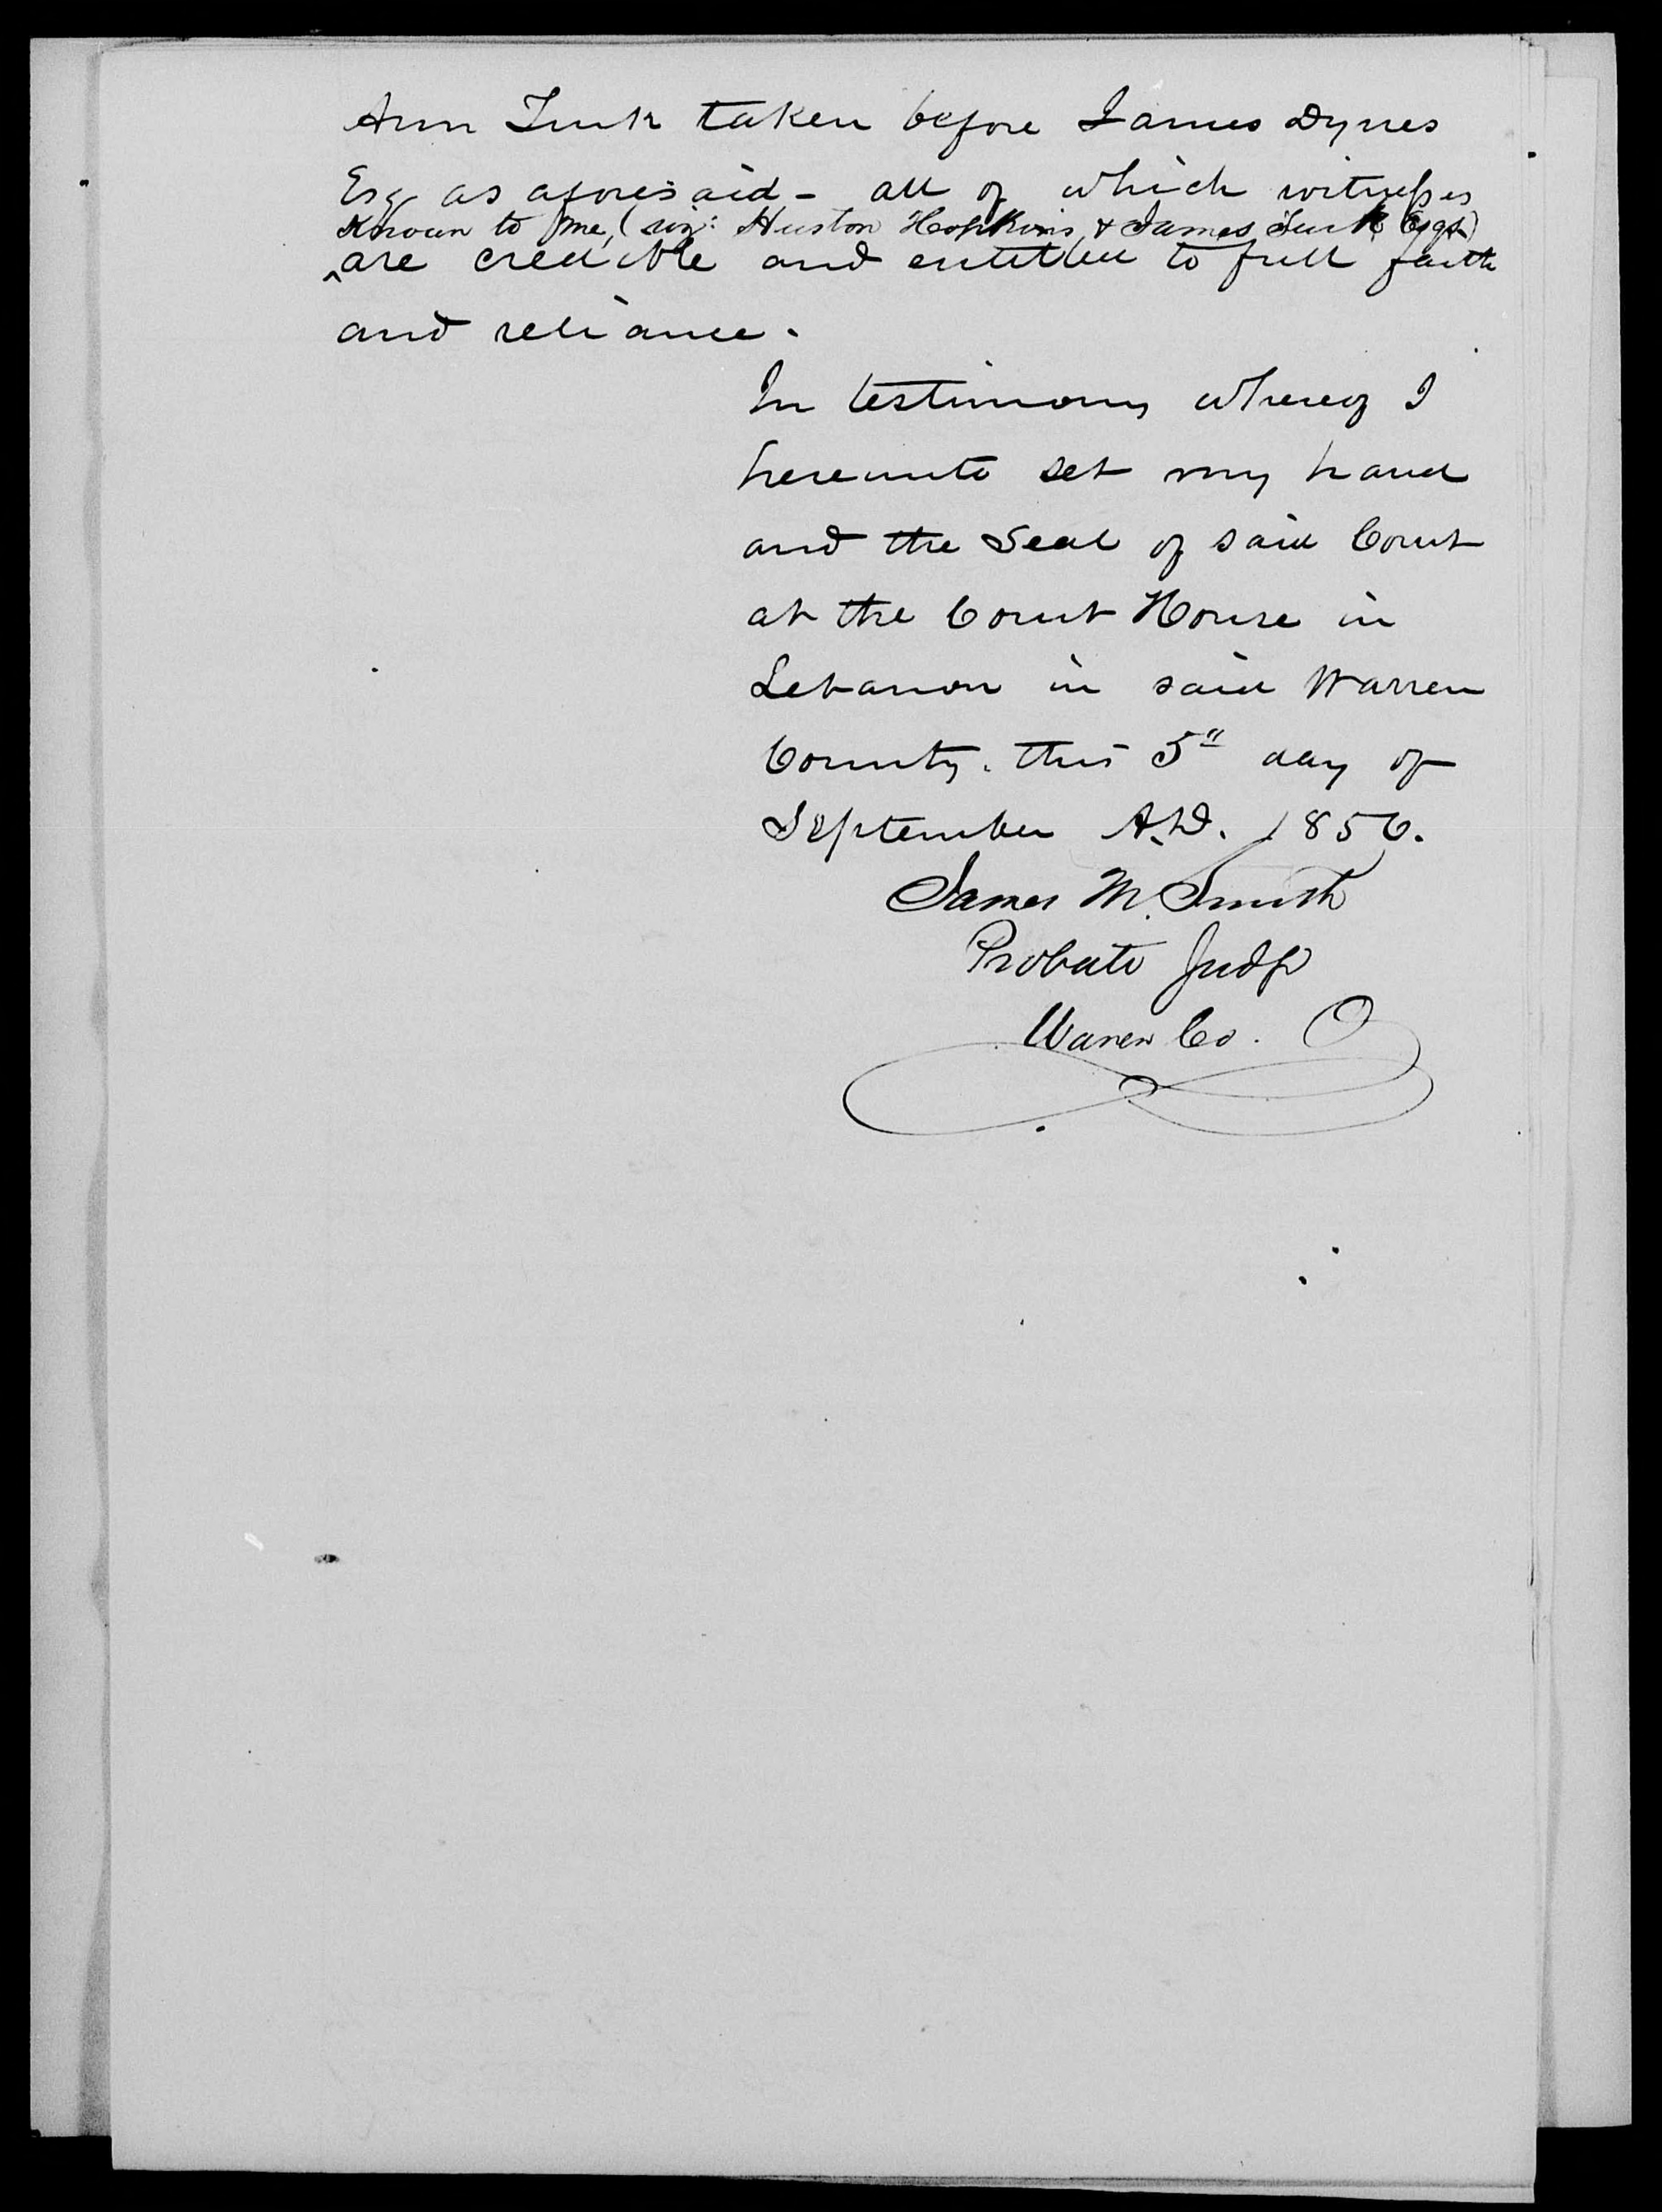Ann Turk taken before James Dynes
Esq. as aforesaid - all of which witnesses
Known to me, (Viz: Huston Hopkins & James Turk Esq.
are credible and entitled to full faith
and reliance.

In testimony whereof I
hereunto set my hand
and the seal of said Court
at the Court House in
Lebanon in said Warren
County this 5th day of
September A.D. 1856.
James M Smith /s/
Probate Judge
Warren Co  O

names: James M Smith; James Turk; Ann Turk; James Dynes; Huston Hopkins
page: 22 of 57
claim: widow's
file: W. 25,739, for James Murphey, Pennsylvania